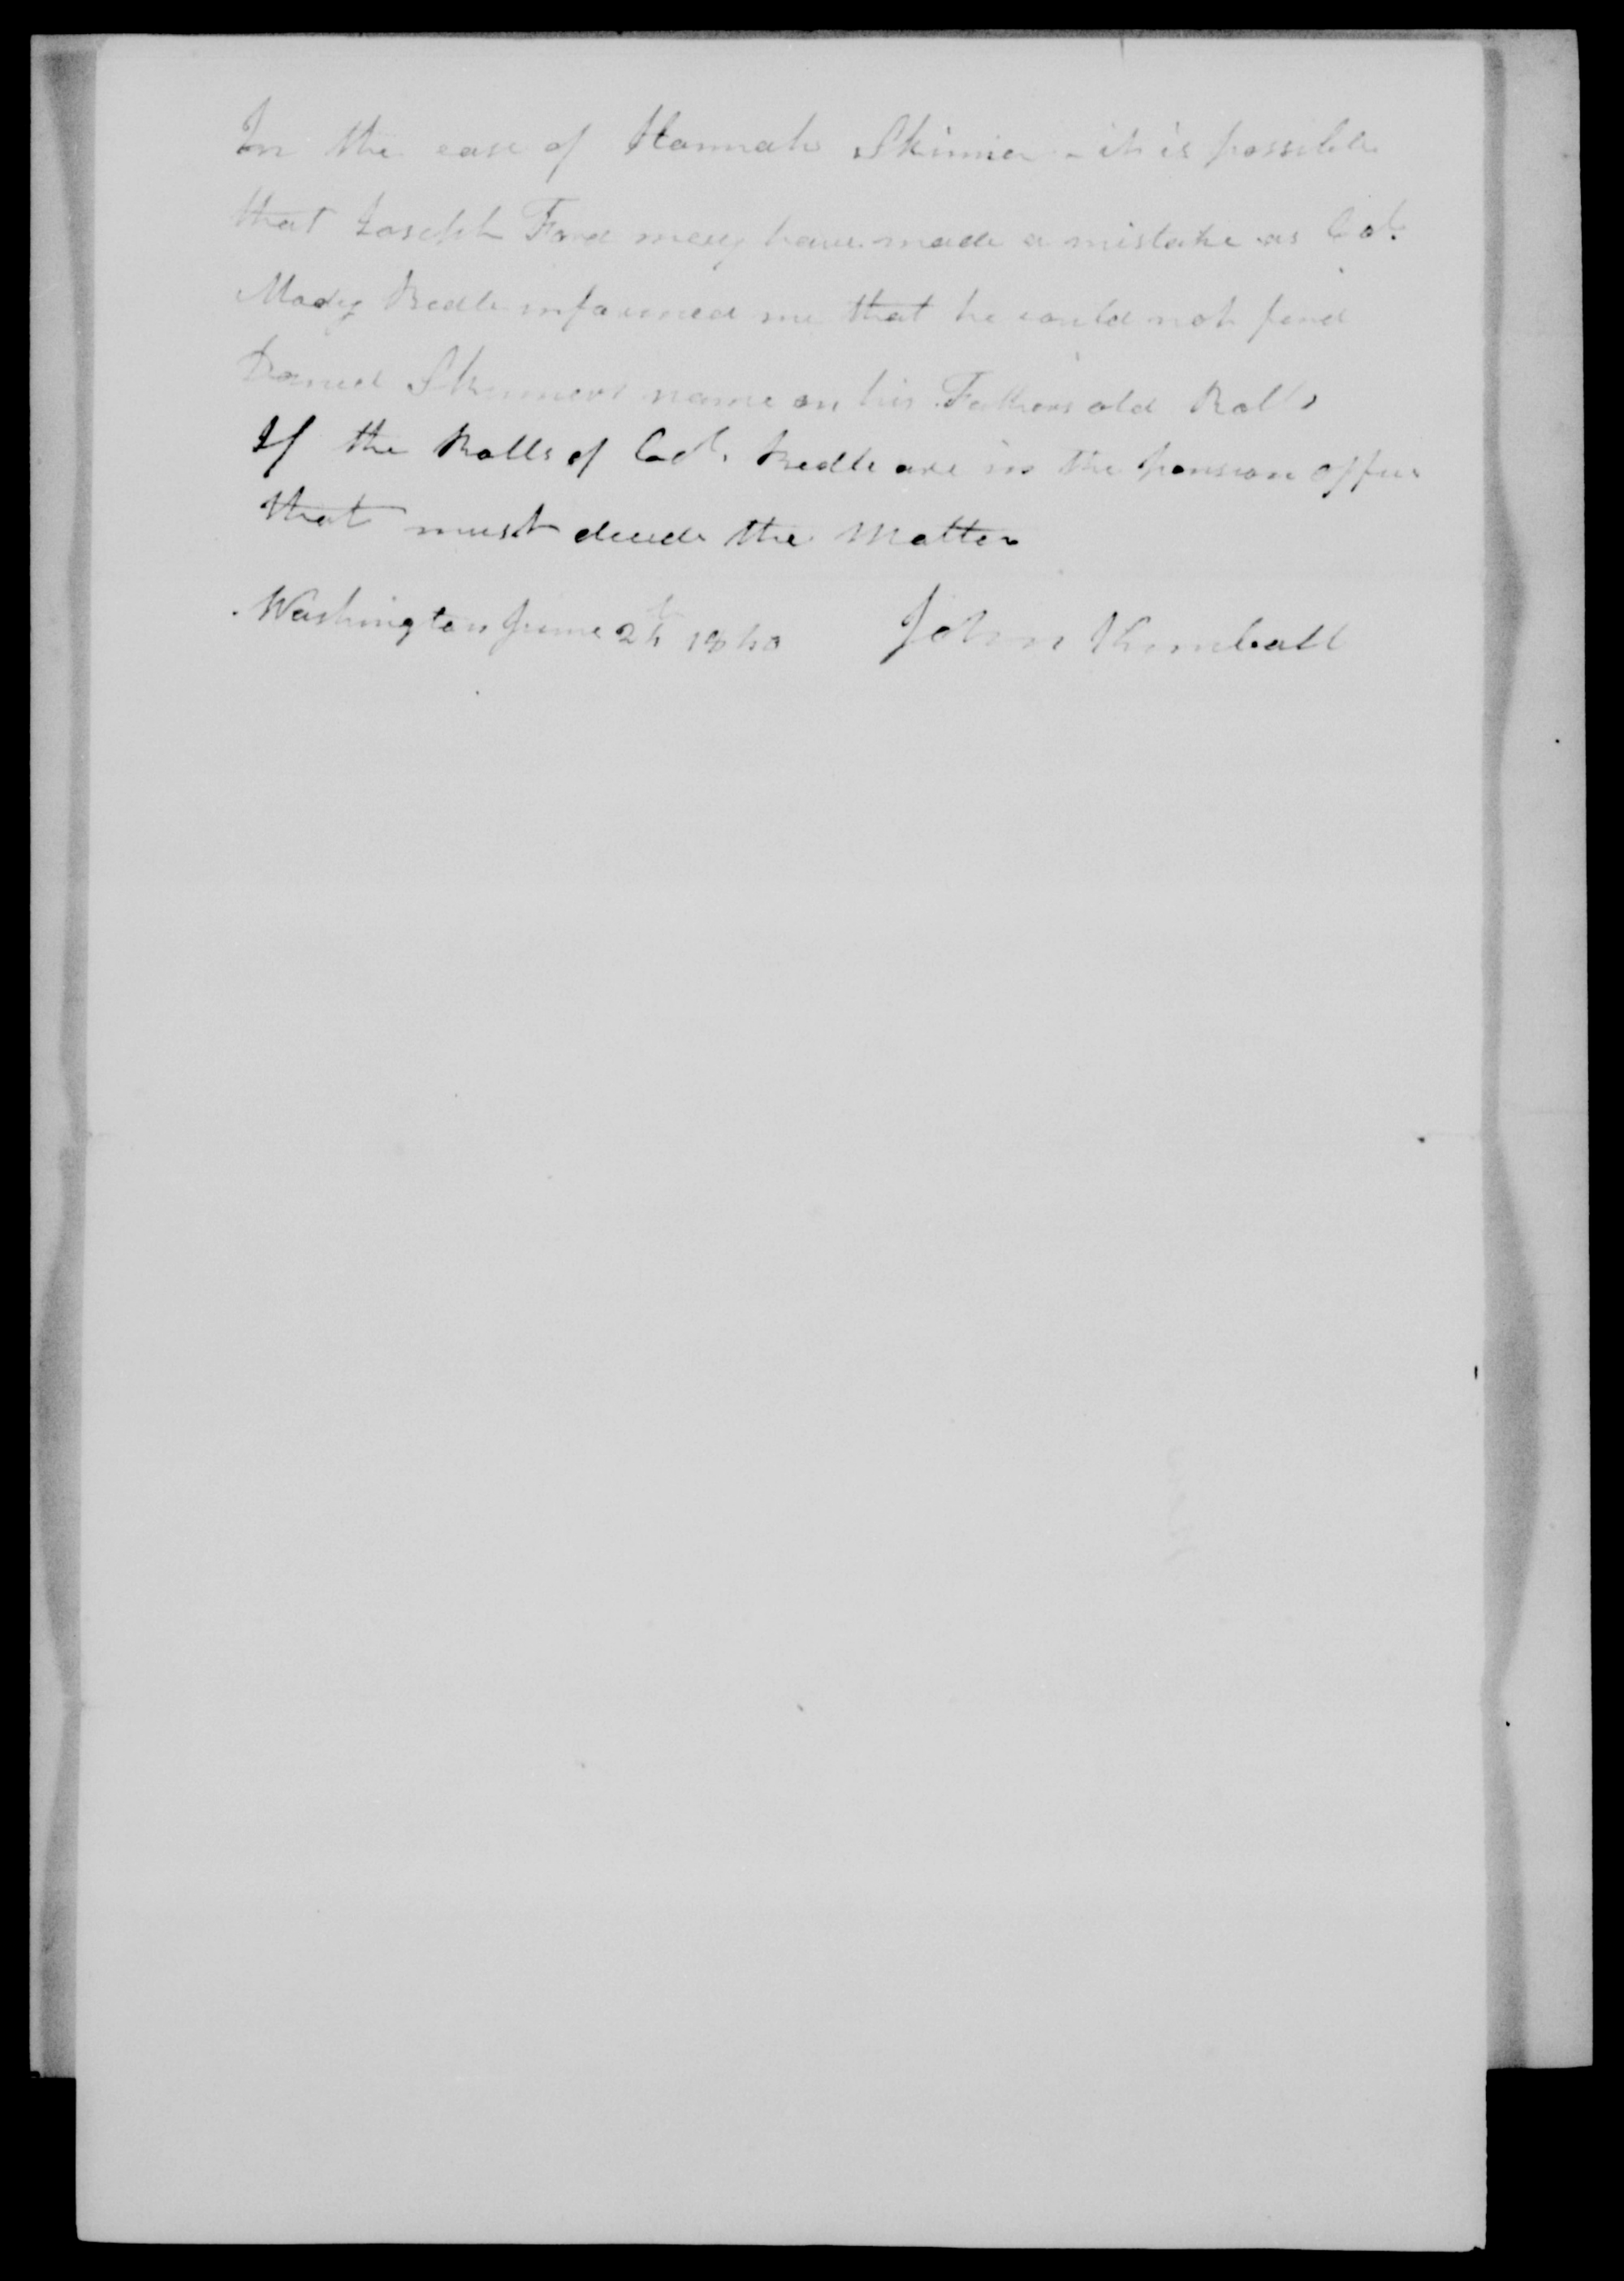In the case of Hannah Skinner-- it is possible
that Joseph Foord may have made a mistake as Col
Mady Redlon informed me that he could not find
Daniel Skinner's name in his Fathers old Rolls.
If the Rolls of Col Beadle are in the pension office
that must decide the matter.
Washington June 24th 1840 John Kimball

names: Mady Redlon; Daniel Skinner; Joseph Freeman; John Kimball; Hannah Skinner; [BLANK] Redleane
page: 43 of 46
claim: widow's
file: W. 24976, for Daniel Skinner, New Hampshire